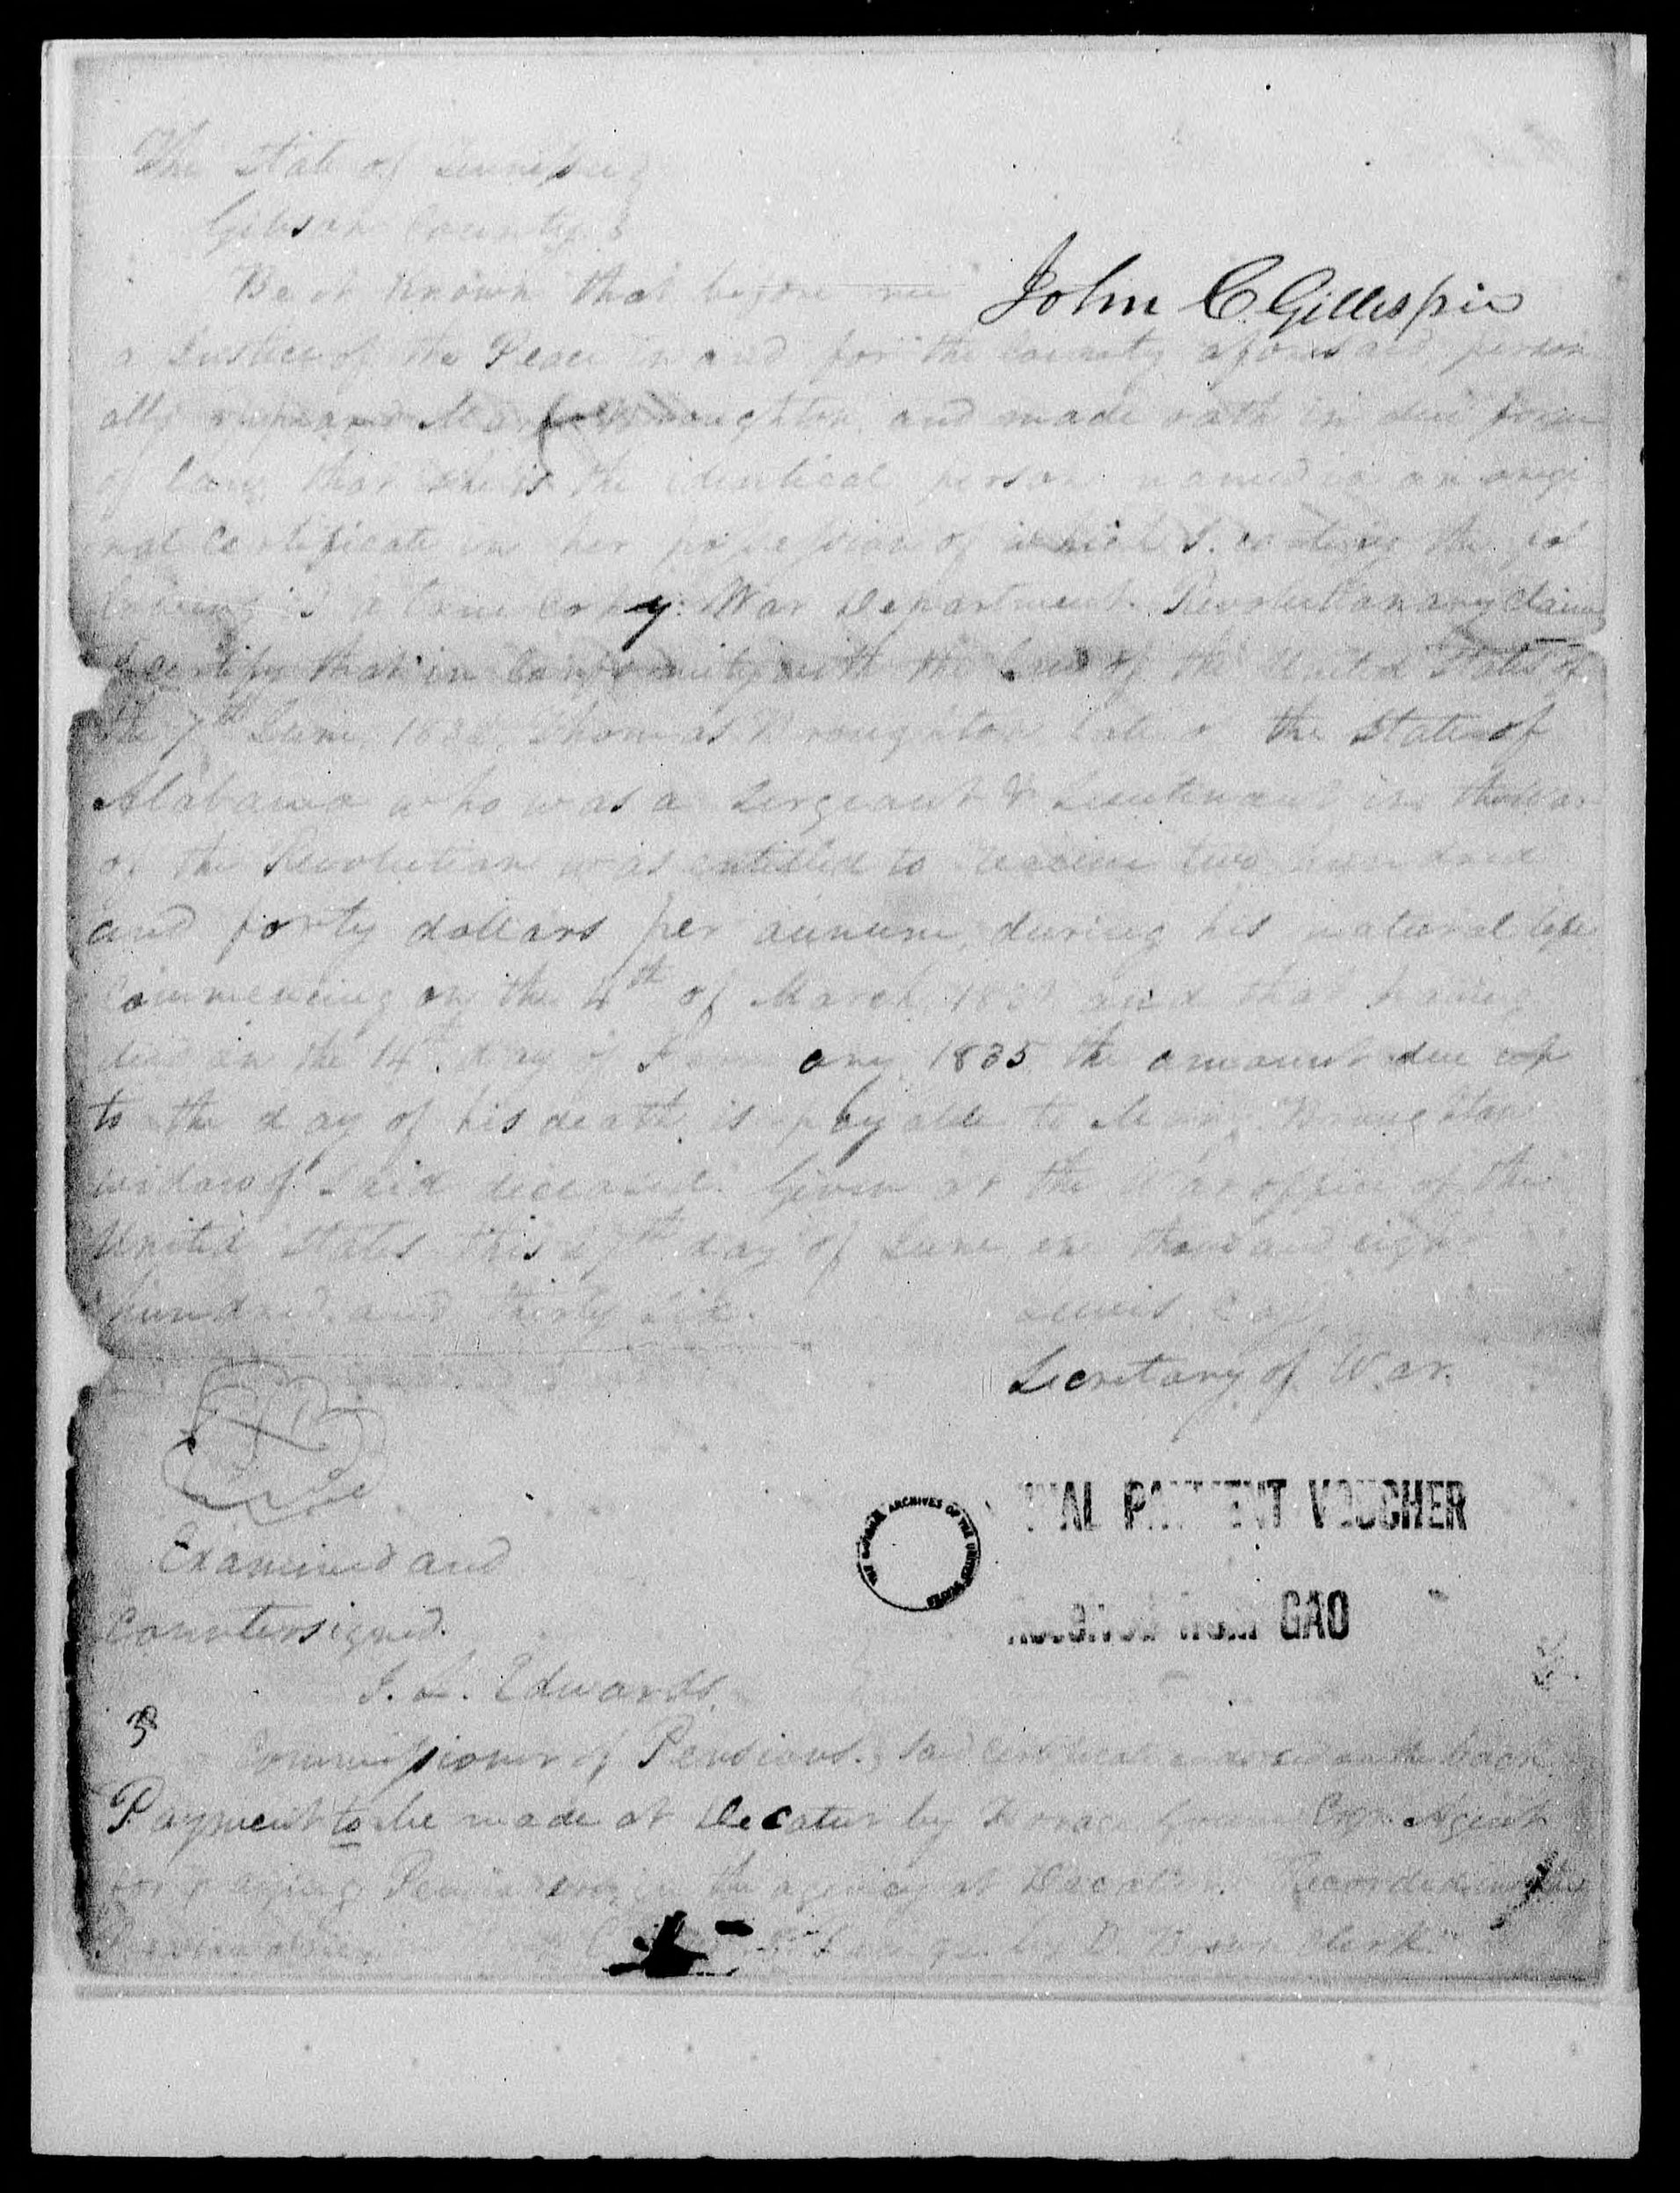State of Tennessee Gibson County
Be it known that before me John C Gillespie a Justice of the Peace in and for the County aforesaid personally appeared Mary Broughton and made oath in due form of law that she is the identical person named in an original  certificate in her possession of [Illegible]  - War Department Revolutionary Claims.
I certify that in conformity with the law of the United States of the 7th June 1832, Thomas Broughton late of the State of Albabama who was a Sergeant & Lieutenant in the War
of the Revolution was entitled to receive two hundred and forty dollars per annum, during his natural life
commencing on the 4th of March 1834 and that having died on the 14th day of Jany 1835 the amount due up
to the day of his death is payable to Mary Broughton widow of said deceased. Given at the War office of the United States this 17th day of June 1836. s/ Lewis Cass
Secretary of War
Examined and countersigned
JL Edwards 
Commissioner of Pension 
said certificate dated the
Payment to be made at Decatur by Horace [Illegible] Agent for paying Pensioners in the agency at Decator. recorded
[Illegible] D. Brown clerk
FINAL PAYMENT VOUCHER RECEIVED FROM GAO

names: J L Edwards, D Brown, John C Gillespie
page: 34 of 72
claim: widow's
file: W. 897, Thomas Broughton, S.C.